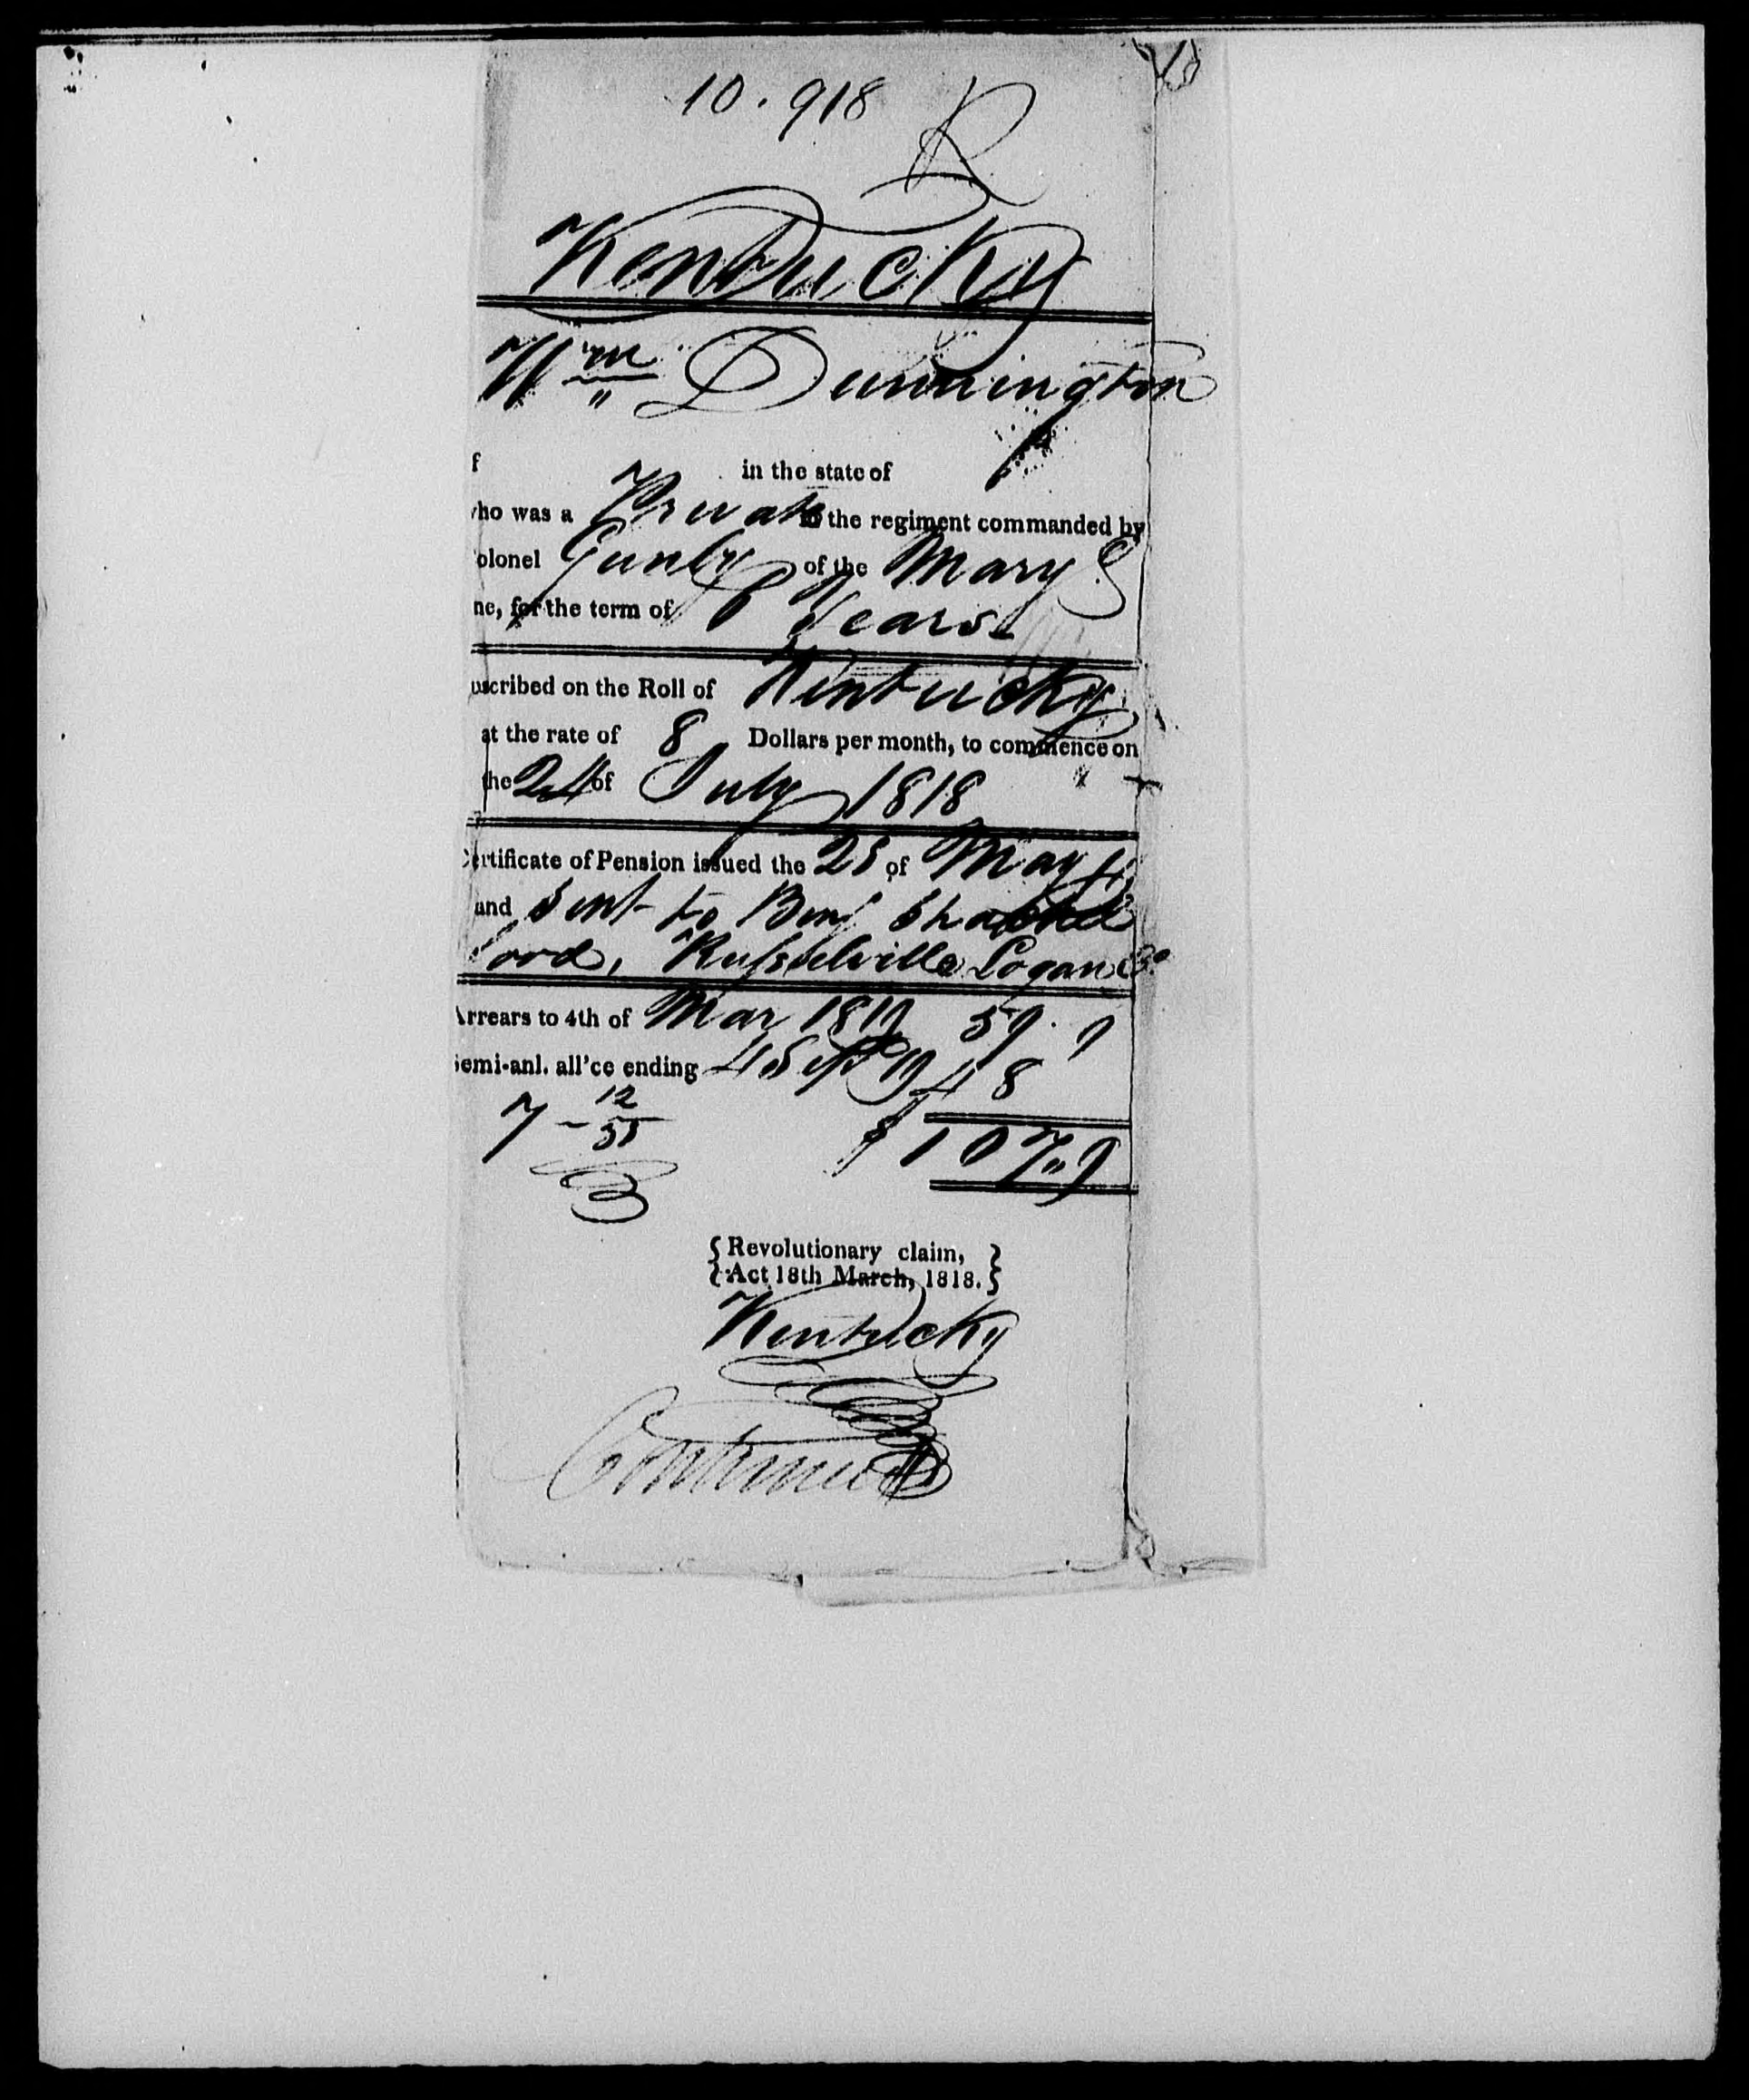10. 918 R
Member @ Ky
Wm  Dunnington
in the state of 
Who was a Private in the regiment commanded by Colonel Gunby of the Mary S
for the term of 6 years

described on the Roll of Kentucky

at the rate of 8 Dollars per month, to commence on the 24 of July 1818

Certificate of Pension issued 28 of May
and Sent to Benj Chappel lord, Russelville Logan Co..

Arrears to 4th of Mar 1819.      59. 9
semi-anl, all'ce ending 4 Sept 1948                            
7- 12/58                 $107.9
{Revolutionary claim, Act 18th March 1818.}
Kentucky
continued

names: Wm Dunnington, Benjn Chappel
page: 2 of 51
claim: widow's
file: W. 27,409, William Dunnington, Md.